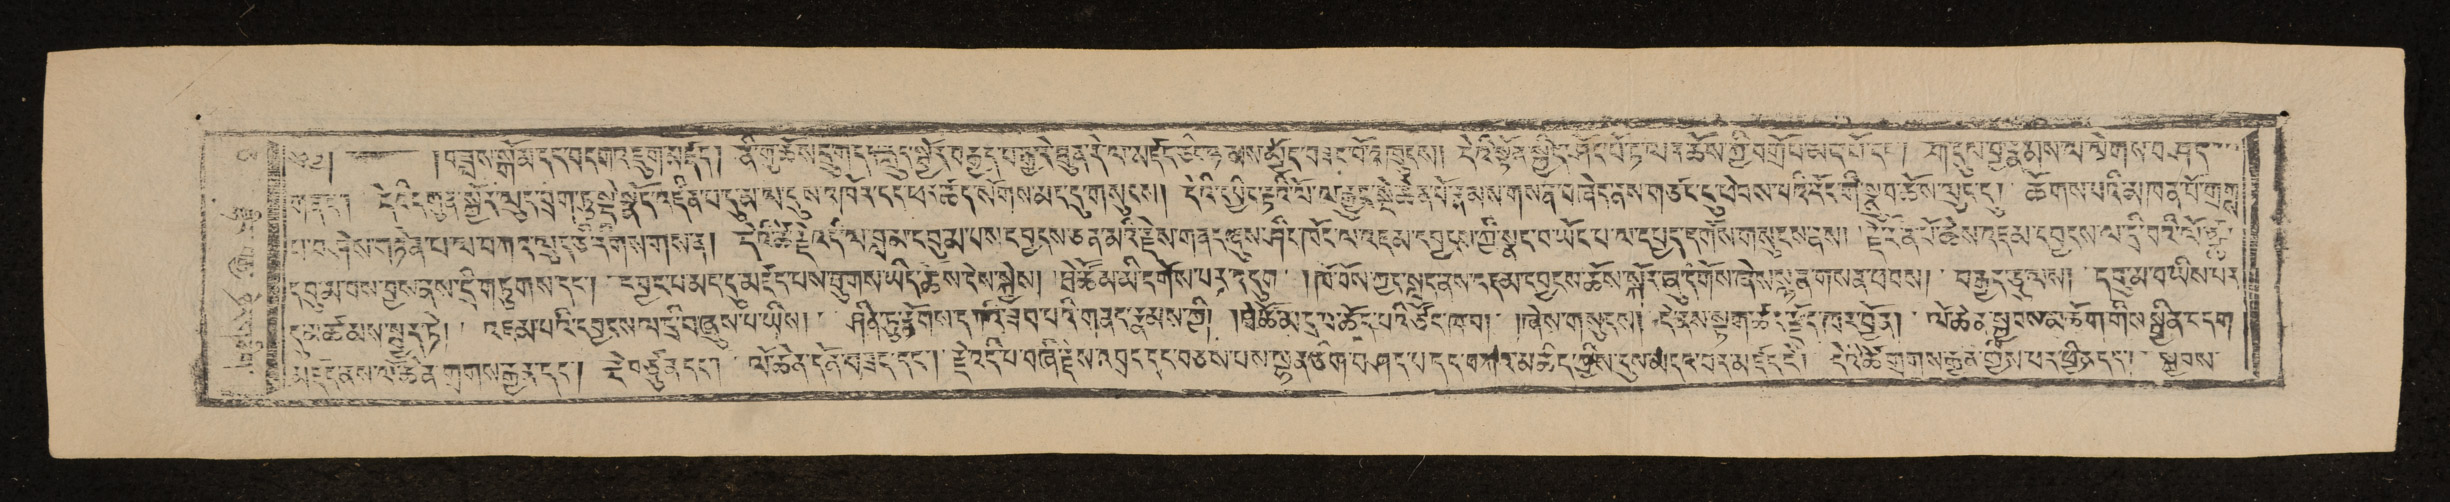༄༅། །བཟླས་སྒོམ་དང་བདག་འཇུག་མཛོད། ནི་གུ་ཆོས་དྲུག་དང་རླུང་སྦྱོར་བརྒྱད་བརྒྱ་རེ་ཐུན་རེ་ལ་མཛད་ཅིང་ཉམས་མྱོང་བཟང་པོ་འཁྲུངས། དེའི་སྟོན་སྐྱིད་ཤོད་པོ་ཏ་ལར་ཆོས་ཀྱི་འགྲོ་བ་མང་པོ་དང་། གདུལ་བྱ་རྣམས་ལ་ལེགས་བཤད་
གནང་། དེའི་དགུན་སྐྱོར་ལུང་བྲག་ཏུ་སྡེ་སྣོད་འཛིན་པ་དུ་མ་ལ་དུས་འཁོར་དང་ཕར་ཚད་སོགས་མང་དུ་གསུངས། དེའི་དཔྱིད་རྟའི་ལོ་ལ་རྒྱུད་སྡེ་ཆེན་པོ་རྣམས་གསན་བཞེད་ནས་གཙང་དུ་ཕེབས་པའི་རོང་གི་སྣུ་བ་ཆོས་ལུང་དུ། ཚོགས་པའི་མཁན་པོ་གྲགས་
པ་བཤེས་གཉེན་པ་ལ་བཀའ་ལུང་ཅི་རིགས་གསན། དེའི་ཚེ་རྗེ་འདི་ལ་བླ་མ་དབུ་མ་པས་དབྱངས་ཅན་མའི་རྗེས་གནང་ཞུས་ཤིང་ཁོང་ལ་འཇམ་དབྱངས་ཀྱི་སྣང་བ་ཡོད་པ་ལ་དཔྱད་དགོས་གསུངས་ནས། རྗེ་རིན་པོ་ཆེས་འཇམ་དབྱངས་ལ་དྲི་བའི་ལོ་ཙྪ་
དབུ་མ་པས་བྱས་ནས་དྲི་གཏུགས་དང་། དཔྱད་པ་མང་དུ་མཛད་པས་ཐུགས་ཡིད་ཆེས་ངེས་སྐྱེས། ཐེ་ཚོམ་མི་དགོས་པར་འདུག །ཁོ་བོས་ཀྱང་སླད་ནས་འཇམ་དབྱངས་ཆོས་སྐོར་ཞུ་དགོས་ཞེས་སྙན་གསན་ཕབས། བརྒྱད་ཅུ་ལས། དབུམ་པ་ཡིས་པར་
དུ་མཚམས་སྦྱར་ཏེ། །འཇམ་པའི་དབྱངས་ལ་དྲི་བ་ཞུས་པ་ཡིས། །ཤིན་ཏུ་རྟོགས་དཀའི་ཟབ་པའི་གནད་རྣམས་ཀྱི། །ཐེ་ཚོམ་དྲ་བ་ཚོད་པའི་ཙོང་ཁ་པ། །ཞེས་གསུངས། དེ་ནས་སྟག་ཚད་རྫོང་ཁར་བྱོན། ལོ་ཆེན་སྐྱབས་མཆོག་གིས་སྦྱིན་བདག་
མཛད་ནས་ལོ་ཆེན་གྲགས་རྒྱན་དང་། རྗེ་བཙུན་དང་། ལོ་ཆེན་དོན་བཟང་དང་། རྗེ་འདི་བ་བཞི་རྗེས་འབྲང་དང་བཅས་པས་ལྷན་ཅིག་བཤད་པ་དང་བཀའ་མཆིད་ཀྱིས་དུས་མདའ་བར་མཛད་དེ། དེའི་ཚེ་གྲགས་རྒྱན་གྱིས་ཕར་ཕྱིན་དང་། སྐྱབས་